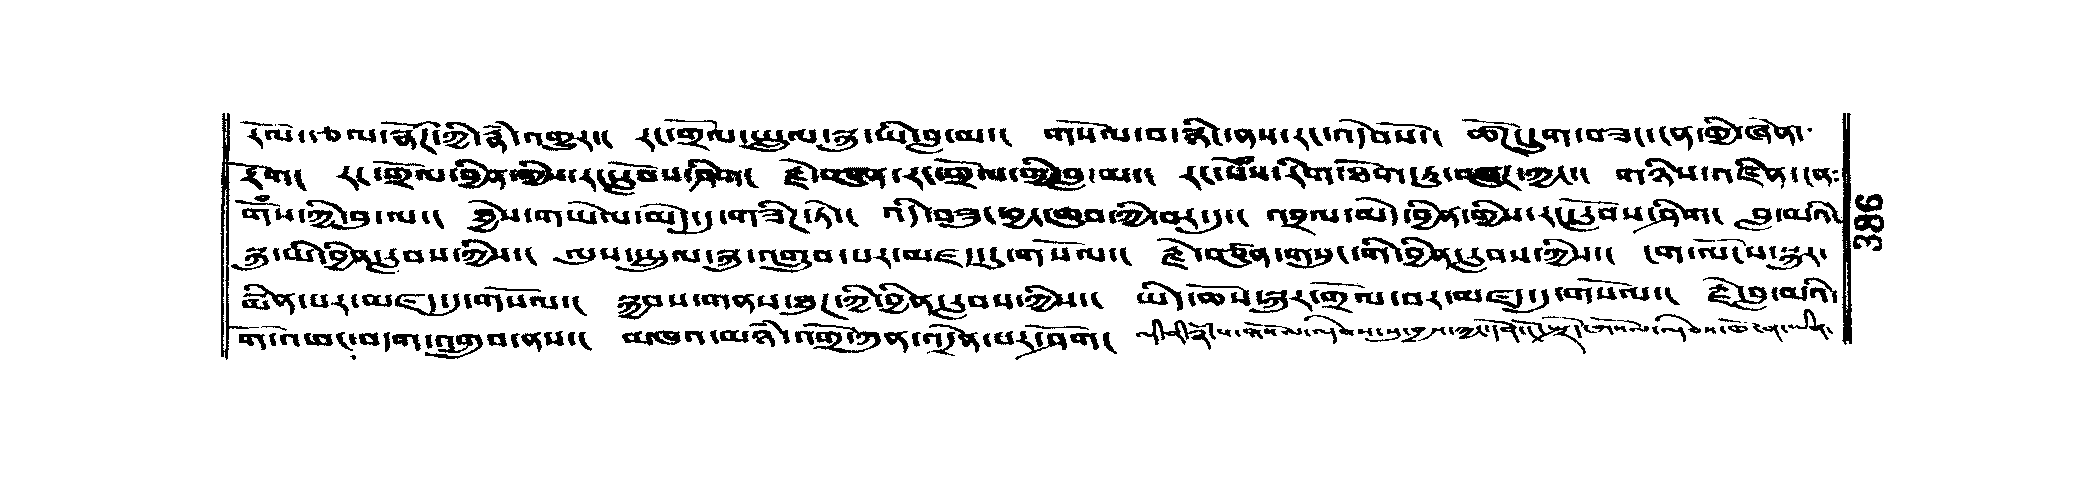།རོལ་རྩལ་སྣ་ཚོགས་ཀྱི་རྣམ་འགྱུར། །རང་གྲོལ་སྤྲུལ་སྐུ་ཡི་བླ་མ། །གསོལ་བ་སྙིང་ནས་རང་འདེབས་སོ། །ཚོགས་དྲུག་བཟང་ངན་གྱི་ཞེན་
རྟོག །རང་གྲོལ་བྱིན་གྱིས་རང་རློབས་ཤིག །རྗེ་བཙུན་རང་གྲོལ་གྱི་བླ་མ། །རང་སེམས་རིག་ཐོག་ཏུ་བཞུགས་ཀྱང་། །གཉིས་འཛིན་ངན་
གོམས་ཀྱི་བུ་ལ། །ཐུགས་རྗེས་གཡེལ་མེད་དུ་གཟིགས་ཏེ། །འདི་བཟུང་བྱང་ཆུབ་ཀྱི་བར་དུ། །འབྲལ་མེད་བྱིན་གྱིས་རང་རློབས་ཤིག །བླ་མའི་
སྐུ་ཡི་བྱིན་རླབས་ཀྱིས། །ལུས་སྤྲུལ་སྐུ་འགྲུབ་པར་མཛད་དུ་གསོལ། །རྗེ་བཙུན་གསུང་གི་བྱིན་རླབས་ཀྱིས། །ངག་ལོངས་སྐུར་
སྨིན་པར་མཛད་དུ་གསོལ། །སྐྱབས་གནས་ཐུགས་ཀྱི་བྱིན་རླབས་ཀྱིས། །ཡིད་ཆོས་སྐུར་གྲོལ་བར་མཛད་དུ་གསོལ། །རྗེ་བླ་མའི་
གོ་འཕང་བདག་འགྲུབ་ནས། །མཁའ་མཉམ་འགྲོ་ཀུན་འདྲེན་པར་ཤོག འདི་ནི་རྣམ་པ་གསོལ་འདེབས་སུ་བྱས་ཀྱང་དོན་ངོ་སྤྲོད་གསོལ་འདེབས་ཁོ་ན་ཡིན་